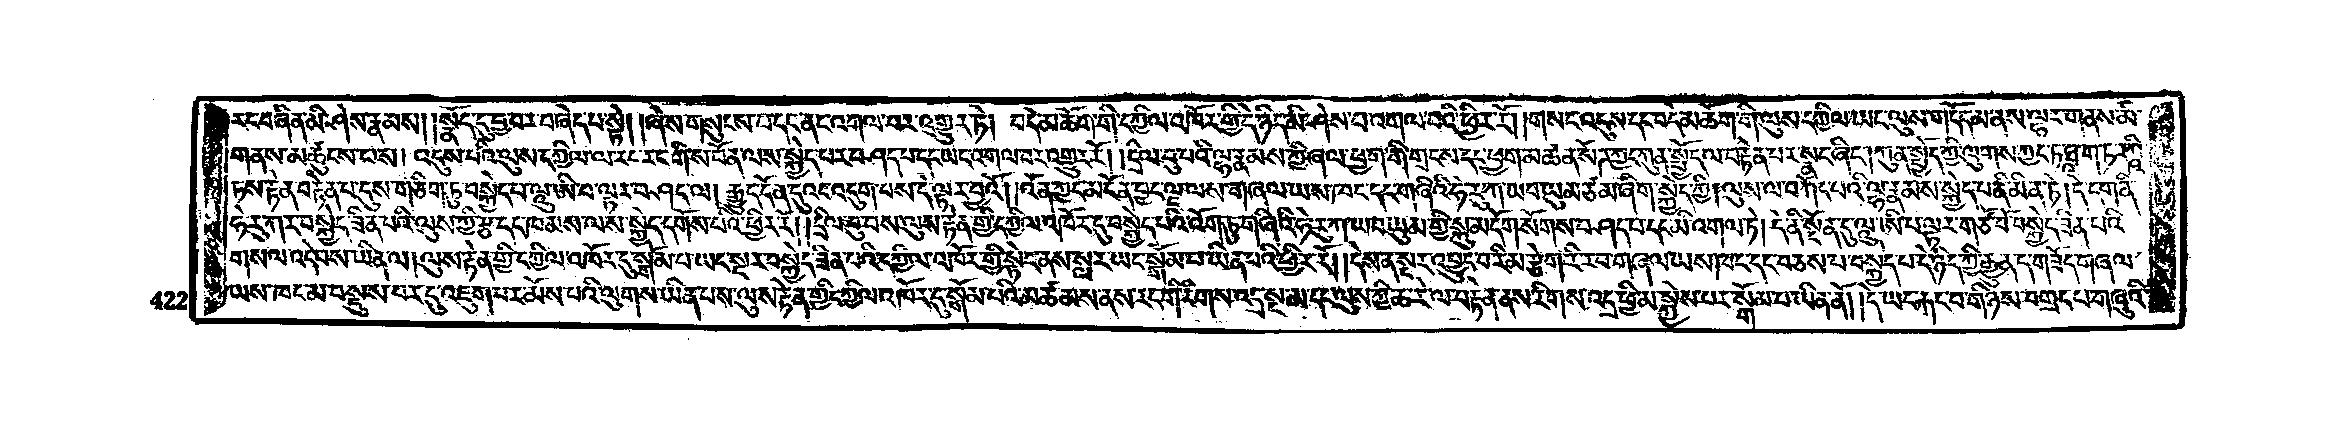རང་བཞིན་མི་ཤེས་རྣམས། །སྣོད་དུ་བྱ་བར་བཞེད་པ་སྟེ། །ཞེས་གསུངས་པ་དང་ནང་འགལ་བར་འགྱུར་ཏེ། བདེ་མཆོག་གི་དཀྱིལ་འཁོར་གྱི་དེ་ཉིད་མི་ཤེས་པ་འགལ་བའི་ཕྱིར་རོ། །གསང་འདུས་དང་བདེ་མཆོག་གི་ལུས་དཀྱིལ་ཡང་ལུས་གོད་མ་ནས་ལྷར་གནས་མི་
གནས་མཚུངས་པས། འདུས་པའི་ལུས་དཀྱིལ་ལ་རང་རང་གི་ས་བོན་ལས་སྐྱེད་པར་བཤད་པ་དང་དང་ཡང་འགལ་བར་འགྱུར་རོ། །དྲིལ་བུ་པའི་ལྷ་རྣམས་ཀྱི་ཞལ་ཕྱག་གི་གྲངས་དང་ཕྱག་མཚན་སོགས་ཀྱང་ཀུན་སྤྱོད་པ་ལ་བརྟེན་པར་སྣང་ཞིང་། ཀུན་སྤྱོད་ཀྱི་ལུགས་ཀྱང་ཏ་ཐཱ་ག་ཏ་རཀྵི་
ཏས་རྟེན་བརྟེན་པ་དུས་གཅིག་ཏུ་བསྐྱེད་པ་ལཱུ་ཨི་བ་ལྟར་བཤད་ལ། རྒྱུད་དོན་དུའང་འདུག་པས་དེ་ལྟར་བྱའོ། །འོན་ཀྱང་མངོན་བྱང་ལྔ་ལས་གཞན་ཡས་ཁང་དང་གཞིའི་ཧེ་རུ་ཀ་ཡབ་ཡུམ་ཙམ་ཞིག་སྐྱེད་ཀྱི། ལུས་ལ་བཀོད་པའི་ལྷ་རྣམས་སྐྱེད་པ་ནི་མིན་ཏེ། དེ་དག་ནི་
ཧེ་རུ་ཀར་བསྐྱེད་ཟིན་པའི་ལུས་ཀྱི་རྩ་དང་ཁམས་ལས་སྐྱེད་དགོས་པའི་ཕྱིར་རོ། །དྲིལ་བུ་པས་ལུས་རྟེན་གྱི་དཀྱིལ་འཁོར་དུ་བསྐྱེད་པའི་འོག་ཏུ་གཞིའི་ཧེ་རུ་ཀ་ཡབ་ཡུམ་གྱི་སྐུ་མདོག་སོགས་བཤད་པ་དང་མི་འགལ་ཏེ། དེ་ནི་སྔོན་དུ་ལཱུ་ཨི་པ་ལྟར་གཙོ་བོ་བསྐྱེད་ཟིན་པའི་
གསལ་འདེབས་ཡིན་ལ། ལུས་རྟེན་གྱི་དཀྱིལ་འཁོར་དུ་སྒོམ་པ་ཡང་སྔར་བསྐྱེད་ཟིན་པའི་དཀྱིལ་འཁོར་གྱི་སྟེང་ནས་སླར་ཡང་སྒོམ་པ་ཡིན་པའི་ཕྱིར་རོ། །དེ་ནས་སྔར་འབྱུང་བ་རིམ་རྩེག་རི་རབ་གཞལ་ཡས་ཁང་དང་བཅས་པ་བསྐྱེད་པ་དེ་ཉིད་ཀྱི་རྒྱུན་ད་གཟོད་གཞལ་
ཡས་ཁང་མ་བསྡུས་པར་དུ་འཇུག་པར་མོས་པའི་ལུགས་ཡིན་པས་ལུས་རྟེན་གྱི་དཀྱིལ་འཁོར་དུ་སྒོམ་པའི་མཚམས་ནས་རང་གི་རིགས་འདྲ་སྔ་མ་དང་ལུས་ཀྱི་ཆ་རེ་ལ་བརྟེན་ནས་རིགས་འདྲ་ཕྱི་མ་སྐྱེས་པར་སྒོམ་པ་ཡིན་ནོ། །དེ་ཡང་རྐང་པ་གཉིས་བགྲད་པ་གཞུའི་